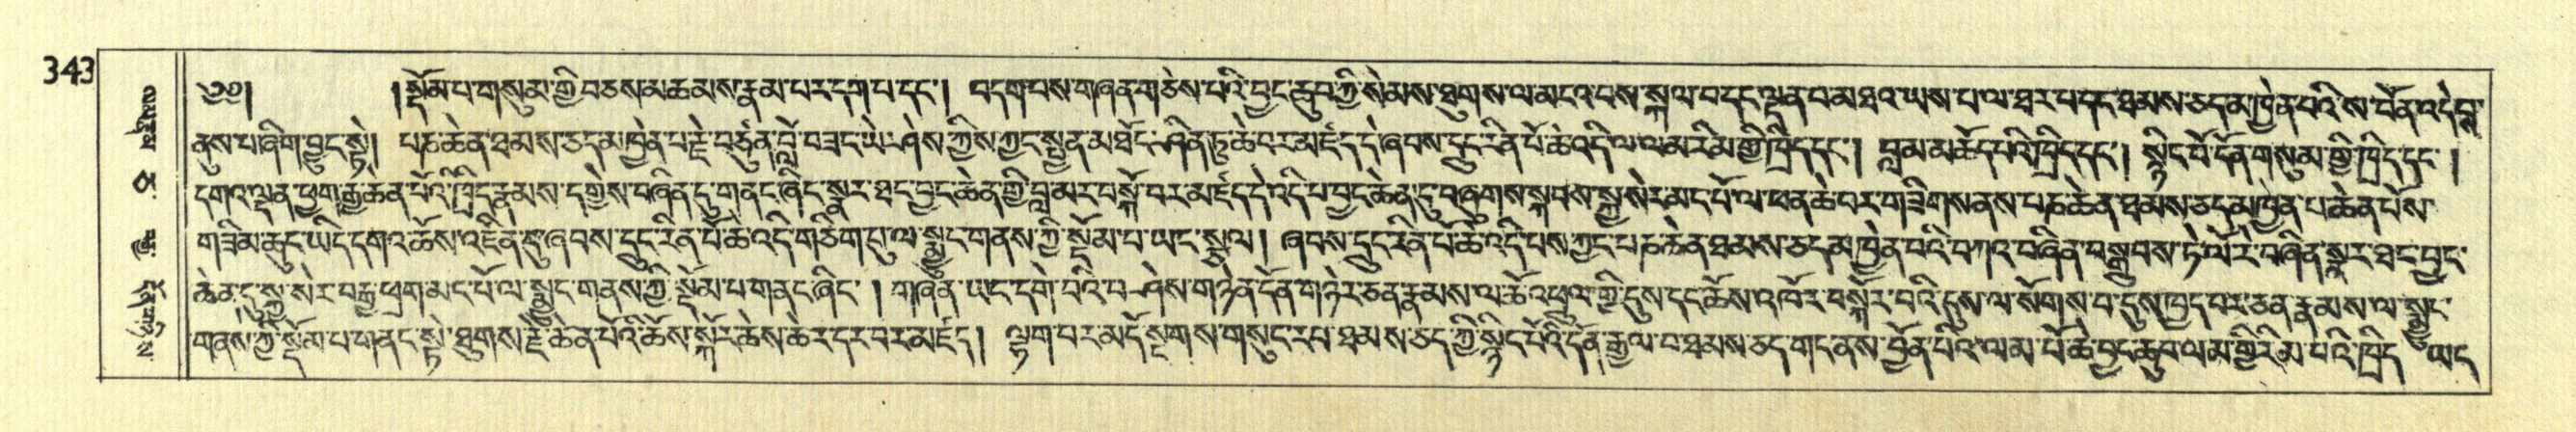༄༅། །སྡོམ་པ་གསུམ་གྱི་བཅས་མཆམས་རྣམ་པར་དག་པ་དང་། བདག་པས་གཞན་གཅེས་པའི་བྱང་ཆུབ་ཀྱི་སེམས་ཐུགས་ལ་མངའ་བས་སྐལ་བ་དང་ལྡན་པ་མཐའ་ཡས་པ་ལ་ཐར་པ་དང་ཐམས་ཅད་མཁྱེན་པའི་ས་བོན་འདེབས་
ནུས་པ་ཞིག་བྱུང་སྟེ། པཎ་ཆེན་ཐམས་ཅད་མཁྱེན་པ་རྗེ་བཙུན་བློ་བཟང་ཡེ་ཤེས་ཀྱིས་ཀྱང་སྤྱན་མཐོང་ཤིན་ཏུ་ཆེ་བར་མཛད་དེ་ཞབས་དྲུང་རིན་པོ་ཆེ་འདི་ལ་ལམ་རིམ་གྱི་ཁྲིད་དང་། བླ་མ་མཆོད་པའི་ཁྲིད་དང་། སྙིང་པོ་དོན་གསུམ་གྱི་ཁྲིད་དང་།
དགའ་ལྡན་ཕྱག་རྒྱ་ཆེན་པོའི་ཁྲིད་རྣམས་དགྱེས་བཞིན་དུ་གནང་ཞིང་སྣར་ཐང་བྱང་ཆེན་གྱི་བླ་མར་བསྐོ་བར་མཛད་དེ་འདི་པ་བྱང་ཆེན་དུ་བཞུགས་སྐབས་སྐྱ་སེར་མང་པོ་ལ་ཕན་ཆེ་བར་གཟིགས་ནས་པཎ་ཆེན་ཐམས་ཅད་མཁྱེན་པ་ཆེན་པོས་
གཟིམ་ཆུང་ཡིད་དགའ་ཆོས་འཛིན་དུ་ཞབས་དྲུང་རིན་པོ་ཆེ་འདི་གཅིག་པུ་ལ་སྨྱུང་གནས་ཀྱི་སྡོམ་པ་ཡང་སྩལ། ཞབས་དྲུང་རིན་པོ་ཆེ་འདི་པས་ཀྱང་པཎ་ཆེན་ཐམས་ཅད་མཁྱེན་པའི་བཀའ་བཞིན་བསྒྲུབས་ཏེ་ལོ་རེ་བཞིན་སྣར་ཐང་བྱང་
ཆེན་དུ་སྐྱ་སེར་བརྒྱ་ཕྲག་མང་པོ་ལ་སྨྱུང་གནས་ཀྱི་སྡོམ་པ་གནང་ཞིང་། གཞན་ཡང་དགེ་བའི་བཤེས་གཉེན་དོན་གཉེར་ཅན་རྣམས་ལ་ཆོ་འཕྲུལ་གྱི་དུས་དང་ཆོས་འཁོར་བསྐོར་བའི་དུས་ལ་སོགས་པ་དུས་ཁྱད་པར་ཅན་རྣམས་ལ་སྨྱུང་
གཞས་ཀྱི་སྡོམ་པ་གནང་སྟེ་ཐུགས་རྗེ་ཆེན་པོའི་ཆོས་སྐོར་ཆེས་ཆེར་དར་བར་མཛད། ལྷག་པར་མདོ་སྔགས་གསུང་རབ་ཐམས་ཅད་ཀྱི་སྙིང་པོའི་དོན་རྒྱལ་བ་ཐམས་ཅད་གང་ནས་བྱོན་པའི་ལམ་པོ་ཆེ་བྱང་ཆུབ་ལམ་གྱི་རིམ་པའི་ཁྲིད་ཡང་